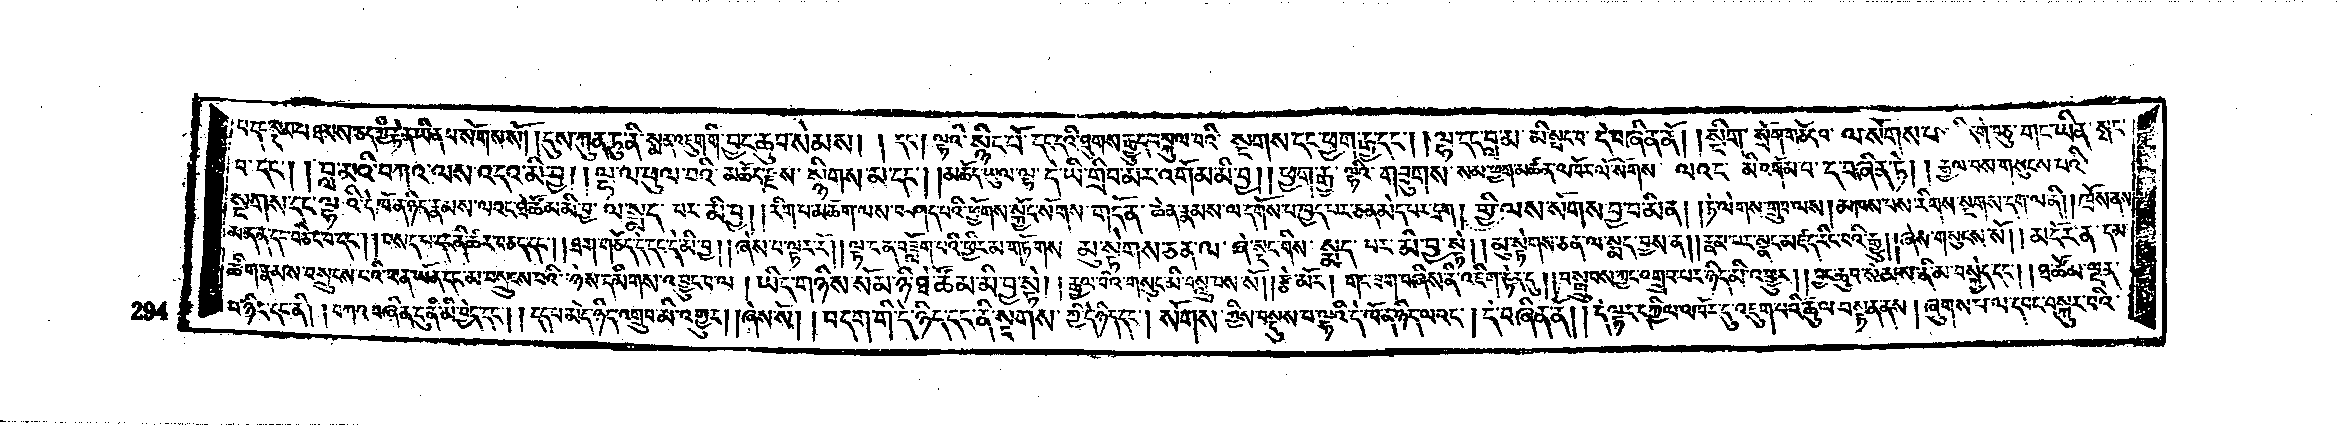པ་དང་སྡོམ་པ་ཐམས་ཅད་ཀྱི་རྟེན་ཡིན་པ་སོགས་སོ། །དུས་ཀུན་ཏུ་ནི་སྨན་འཇུག་གི་བྱང་ཆུབ་སེམས། །དང་། ལྷའི་སྙིང་པོ་དང་དའི་ཐུགས་རྒྱུད་བསྐུལ་བའི་སྔགས་དང་ཕྱག་རྒྱ་དང་། །ལྷ་དང་བླ་མ་མི་སྤང་བ་དེ་བཞིན་ནོ། །སྡིག་སྲོག་གཅོད་པ་ལ་སོགས་པ་མི་དགེ་བཅུ་གང་ཡིན་སྤང་
བ་དང་། །བླ་མའི་བཀའ་ལས་འདའ་མི་བྱ། །ལྷ་ལ་ཕུལ་བའི་མཆོད་རྫས་སྙིགས་མ་དང་། །མཆོད་ཡུལ་ལྷ་དེ་ཡི་གྲིབ་མར་འགོམ་མི་བྱ། །ཕྱག་རྒྱ་ལྷའི་གཟུགས་སམ་ཕྱག་མཚན་འཁོར་ལོ་སོགས་ལའང་མི་འགོམ་པ་དེ་བཞིན་ཏེ། །རྒྱལ་བས་གསུངས་པའི
སྔགས་དང་ལྷའི་དེ་ཁོ་ན་ཉིད་རྣམས་ལའང་ཐེ་ཚོམ་མི་བྱ་ལ་སྨད་པར་མི་བྱ། །རིག་པ་མཆོག་ལས་བཤད་པའི་ཕྱོགས་སྐྱོང་སོགས་གདོན་ཆེན་རྣམས་ལ་དགོས་པ་ཁྱད་པར་ཅན་མེད་པར་དྲག་།གྱི་ལས་སོགས་བྱ་བ་མིན། །ཏེ་ལེགས་གྲུབ་ལས། མཁས་པས་རིགས་སྔགས་དག་ལ་ནི། །ཁྲོས་ནས་
མནན་དང་བཅིང་བ་དང་། །བསད་པ་དང་ནི་ཚར་བཅད་དང་། །ཐག་གཅོད་དེ་དང་དེ་མི་བྱ། །ཞེས་པ་ལྟར་རོ། །ལྟ་ངན་བཟློག་པའི་ཕྱིར་མ་གཏོགས་མུ་སྟེགས་ཅན་ལ་ཞེ་སྡང་གིས་སྨད་པར་མི་བྱ་སྟེ། །མུ་སྟེགས་ཅན་ལ་སྨད་བྱས་ན། །རྣམ་པར་སྣང་མཛད་རིང་བའི་རྒྱུ། །ཞེས་གསུངས་སོ།  །མདོར་ན་དམ་
ཚིག་རྣམས་བསྲུངས་པའི་ཕན་ཡོན་དང་མ་བསྲུངས་པའི་ཉེས་དམིགས་འབྱུང་བ་ལ། ཡིད་གཉིས་སོམ་ཉི་ཐེ་ཚོམ་མི་བྱ་སྟེ། །རྒྱལ་བའི་གསུང་མི་བསླུ་བས་སོ། །རྩེ་མོར། གང་ཟག་བཞིས་ནི་འཇིག་རྟེན་དུ། །བསྒྲུབས་ཀྱང་འགྲུབ་པར་ཉིད་མི་འགྱུར། །བྱང་ཆུབ་སེམས་ནི་མ་བསྐྱེད་དང་། །ཐེ་ཚོམ་ལྡན་
པ་ཉིད་དང་ནི། །བཀའ་བཞིན་དུ་ནི་མི་བྱེད་དང་། །དད་པ་མེད་ཉིད་འགྲུབ་མི་འགྱུར། །ཞེས་སོ། །བདག་གི་དེ་ཉིད་དང་ནི་སྔགས་ཀྱི་དེ་ཉིད་དང་།  སོགས་ཀྱིས་བསྡུས་པ་ལྷའི་དེ་ཁོ་ན་ཉིད་ལའང་།  དེ་བཞིན་ནོ། །དེ་ལྟར་དཀྱིལ་འཁོར་དུ་འཇུག་པའི་ཚུལ་བསྟན་ནས། ཞུགས་པ་ལ་དབང་བསྐུར་བའི་